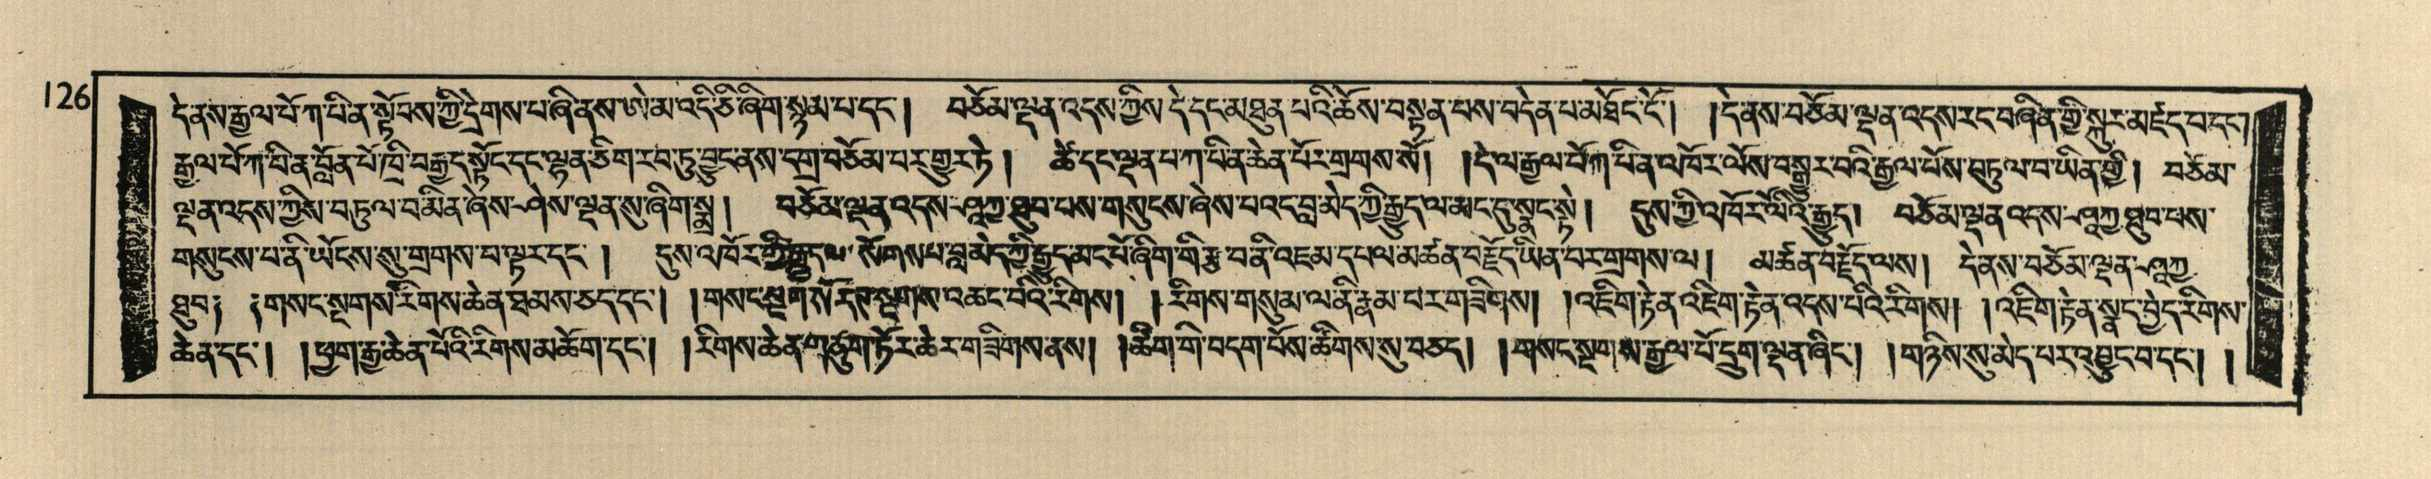དེ་ནས་རྒྱལ་པོ་ཀ་པི་ན་སྟོབས་ཀྱི་དྲེགས་པ་ཞི་ནས་ཨེ་མ་འདི་ཅི་ཞིག་སྙམ་པ་དང་། བཅོམ་ལྡན་འདས་ཀྱིས་དེ་དང་མཐུན་པའི་ཆོས་བསྟན་པས་བདེན་པ་མཐོང་ངོ། །དེ་ནས་བཅོམ་ལྡན་འདས་རང་བཞིན་གྱི་སྐུར་མཛད་བ་དང་།
རྒྱལ་པོ་ཀ་པི་ན་བློན་པོ་ཁྲི་བརྒྱད་སྟོང་དང་ལྷན་ཅིག་རབ་ཏུ་བྱུང་ནས་དགྲ་བཅོམ་པར་གྱུར་ཏེ། ཚེ་དང་ལྡན་པ་ཀ་པི་ན་ཆེན་པོར་གྲགས་སོ། །དེ་ལ་རྒྱལ་པོ་ཀ་པི་ན་འཁོར་ལོས་བསྒྱུར་བའི་རྒྱལ་པོས་བཏུལ་བ་ཡིན་གྱི། བཅོམ་
ལྡན་འདས་ཀྱིས་བཏུལ་བ་མིན་ཞེས་ཤེས་ལྡན་སུ་ཞིག་སྨྲ། བཅོམ་ལྡན་འདས་ཤཱཀྱ་ཐུབ་པས་གསུངས་ཞེས་པའང་བླ་མེད་ཀྱི་རྒྱུད་ལ་མང་དུ་སྣང་སྟེ། དུས་ཀྱི་འཁོར་ལོའི་རྒྱུད། བཅོམ་ལྡན་འདས་ཤཱཀྱ་ཐུབ་པས་
གསུངས་པ་ནི་ཡོངས་སུ་གྲགས་པ་ལྟར་དང་། དུས་འཁོར་གྱི་རྒྱུད་ལ་སོགས་པ་བླ་མེད་ཀྱི་རྒྱུད་མང་པོ་ཞིག་གི་རྩ་བ་ནི་འཇམ་དཔལ་མཚན་བརྗོད་ཡིན་བར་གྲགས་ལ། མཚན་བརྗོད་ལས། དེ་ནས་བཅོམ་ལྡན་ཤཱཀྱ་
ཐུབ༑ ༑གསང་སྔགས་རིགས་ཆེན་ཐམས་ཅད་དང་། །གསང་སྔགས་གསོར་ཊ་སྔགས་འཆང་བའི་རིགས། །རིགས་གསུམ་ལ་ནི་རྣམ་པར་གཟིགས། །འཇིག་རྟེན་འཇིག་རྟེན་འདས་པའི་རིགས། །འཇིག་རྟེན་སྣང་བྱེད་རིགས་
ཆེན་དང་། །ཕྱག་རྒྱ་ཆེན་པོའི་རིགས་མཆོག་དང་། །རིགས་ཆེན་གཙུག་ཏོར་ཆེར་གཟིགས་ནས། །ཚིག་གི་བདག་པོས་ཚིགས་སུ་བཅད། །གསང་སྔགས་རྒྱལ་པོ་དྲུག་ལྡན་ཞིང་། །གཉིས་སུ་མེད་པར་འབྱུང་བ་དང་། །